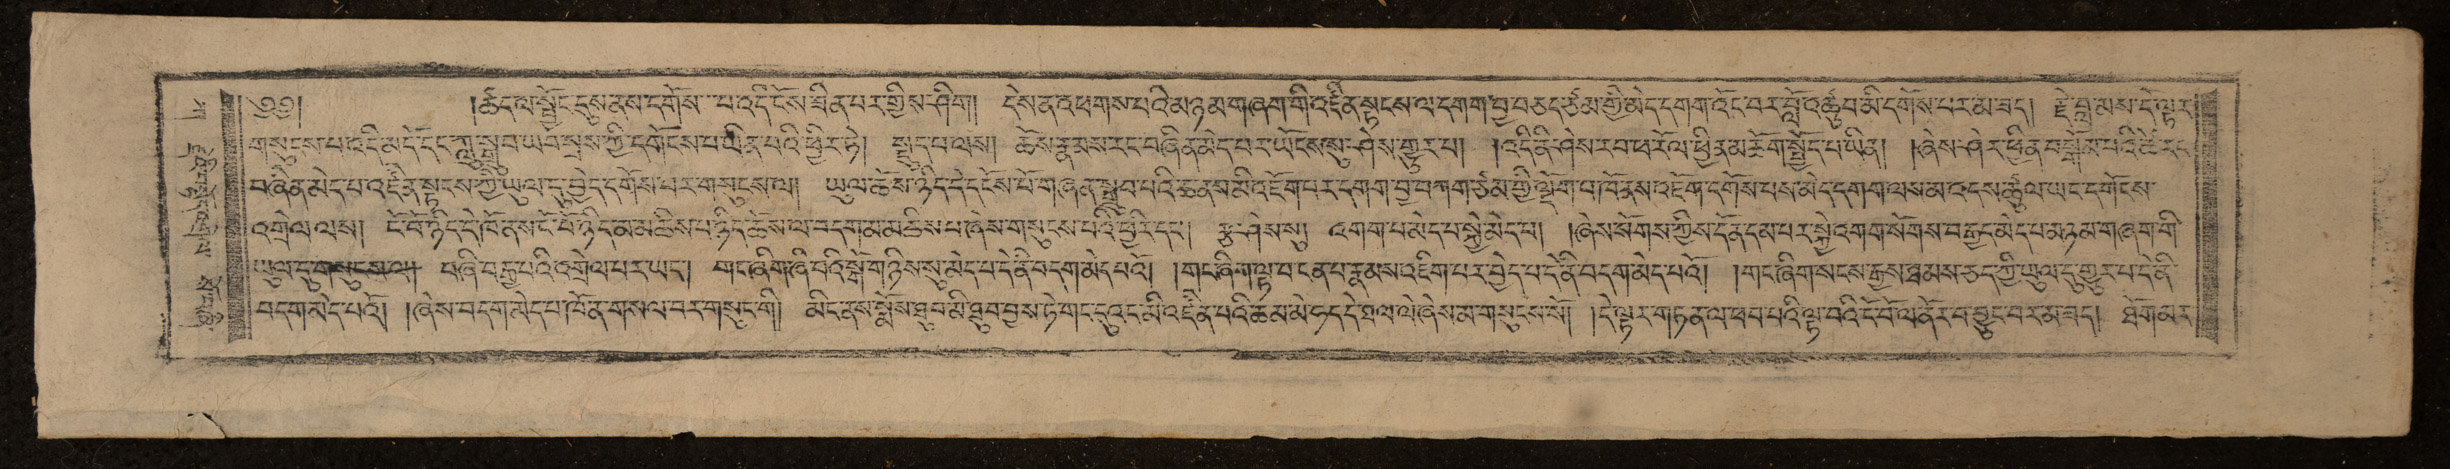༄༅། །ནད་ལ་སྦྱོང་དུས་ནས་དགོས་པ་འདི་ངོས་ཟིན་པར་གྱིས་ཤིག། དེས་ན་འཕགས་པའི་མཉམ་གཞག་གི་འཛིན་སྟངས་ལ་དགག་བྱ་བཅད་ཙམ་གྱི་མེད་དགག་འོང་བར་བློ་ཚུབ་མི་དགོས་པར་མ་ཟད། རྗེ་བླ་མས་དེ་ལྟར་
གསུངས་པ་འདི་མདོ་དང་ཀླུ་སྒྲུབ་ཡབ་སྲས་ཀྱི་དགོངས་པ་ཡིན་པའི་ཕྱིར་ཏེ། སྡུད་པ་ལས། ཆོས་རྣམས་རང་བཞིན་མེད་པར་ཡོངས་སུ་ཤེས་གྱུར་པ། །འདི་ནི་ཤེས་རབ་ཕ་རོལ་ཕྱིན་མཆོག་སྤྱོད་པ་ཡིན། །ཞེས་ཤེར་ཕྱིན་བསྒོམ་པའི་ཚེ་རང་
བཞིན་མེད་པ་འཛིན་སྟངས་ཀྱི་ཡུལ་དུ་བྱེད་དགོས་པར་གསུངས་ལ། ཡུལ་ཆོས་ཉིད་དེ་དངོས་པོ་གཞན་སྒྲུབ་པའི་ཆ་ནས་མི་འཇོག་པར་དགག་བྱ་བཀག་ཙམ་གྱི་ལྡོག་པ་ཁོ་ནས་འཇོག་དགོས་པས་མེད་དགག་ལས་མ་འདས་ཚུལ་ཡང་དགོངས་
འགྲེལ་ལས། ངོ་བོ་ཉིད་དེ་ཀོ?་ནས་ངོ་བོ་ཉིད་མ་མཆིས་པ་ཉིད་ཆོས་ལ་བདག་མ་མཆིས་བ་ཞེས་གསུངས་པའི་ཕྱིར་དང་། རྩ་ཤེས་སུ། འགག་པ་མེད་པ་སྐྱེ་མེད་པ། །ཞེས་སོགས་ཀྱིས་དོན་དམ་པར་སྐྱེ་འགག་སོགས་བརྒྱད་མེད་པ་མཉམ་གཞག་གི་
ཡུལ་དུ་གསུངས་ལ། བཞི་བརྒྱ་བའི་འགྲེལ་བར་ཡང་། གང་ཞིག་ཞི་བའི་སྒོ་གཉིས་སུ་མེད་བ་དེ་ནི་བདག་མེད་པའོ། །གང་ཞིག་ལྟ་བ་ངན་བ་རྣམས་འཇིག་པར་བྱེད་པ་དེ་ནི་བདག་མེད་པའོ། །གང་ཞིག་སངས་རྒྱས་ཐམས་ཅད་ཀྱི་ཡུལ་དུ་གྱུར་བ་དེ་ནི་
བདག་མེད་པའོ། །ཞེས་བདག་མེད་པ་ཁོ་ན་གསལ་བར་གསུང་གི། མིང་ནས་སྨོས་ཐུབ་མི་ཐུབ་བྱས་ཏེ་གང་དུའང་མི་འཛིན་པའི་ཆ་མ་མེ་ཧད་དེ་ཐལ་ལེ་ཞེས་མ་གསུངས་སོ། །དེ་ལྟར་གཏན་ལ་ཕབ་པའི་ལྟ་བའི་ངོ་བོ་ལ་ནོར་བ་བྱུང་བར་མ་ཟད། ཐོག་མར་